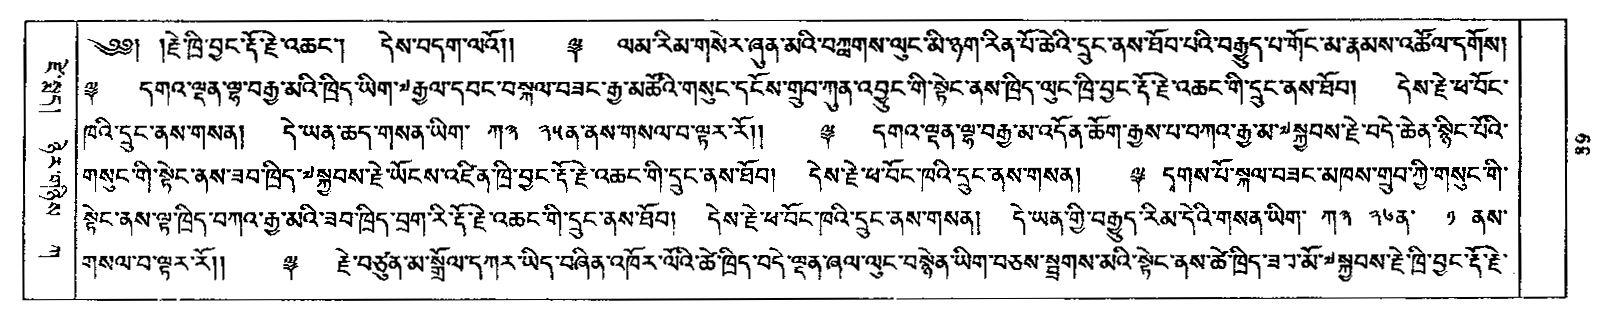༄༅། །རྗེ་ཁྲི་བྱང་རྡོ་རྗེ་འཆང་། དེས་བདག་ལའོ།། ༈ ལམ་རིམ་གསེར་ཞུན་མའི་བཀླགས་ལུང་མི་ཉག་རིན་པོ་ཆེའི་དྲུང་ནས་ཐོབ་པའི་བརྒྱུད་པ་གོང་མ་རྣམས་འཚོལ་དགོས།
༈ དགའ་ལྡན་ལྷ་བརྒྱ་མའི་ཁྲིད་ཡིག་༧་རྒྱལ་དབང་བསྐལ་བཟང་རྒྱ་མཚོའི་གསུང་དངོས་གྲུབ་ཀུན་འབྱུང་གི་སྟེང་ནས་ཁྲིད་ལུང་ཁྲི་བྱང་རྡོ་རྗེ་འཆང་གི་དྲུང་ནས་ཐོབ། དེས་རྗེ་ཕ་བོང་
ཁའི་དྲུང་ནས་གསན། དེ་ཡན་ཆད་གསན་ཡིག་ཀ ༣ ༢༥་ན་ནས་གསལ་བ་ལྟར་རོ།། ༈ དགའ་ལྡན་ལྷ་བརྒྱ་མ་འདོན་ཆོག་རྒྱས་པ་བཀའ་རྒྱ་མ་༧་སྐྱབས་རྗེ་བདེ་ཆེན་སྙིང་པོའི་
གསུང་གི་སྟེང་ནས་ཟབ་ཁྲིད་༧་སྐྱབས་རྗེ་ཡོངས་འཛིན་ཁྲི་བྱང་རྡོ་རྗེ་འཆང་གི་དྲུང་ནས་ཐོབ། དེས་རྗེ་ཕ་བོང་ཁའི་དྲུང་ནས་གསན། ༈ དྭགས་པོ་སྐལ་བཟང་མཁས་གྲུབ་ཀྱི་གསུང་གི་
སྟེང་ནས་ལྟ་ཁྲིད་བཀའ་རྒྱ་མའི་ཟབ་ཁྲིད་བྲག་རི་རྡོ་རྗེ་འཆང་གི་དྲུང་ནས་ཐོབ། དེས་རྗེ་ཕ་བོང་ཁའི་དྲུང་ནས་གསན། དེ་ཡན་གྱི་བརྒྱུད་རིམ་དེའི་གསན་ཡིག་ཀ ༣ ༢༦་ན ༡་ནས་
གསལ་བ་ལྟར་རོ།། ༈ རྗེ་བཙུན་མ་སྒྲོལ་དཀར་ཡིད་བཞིན་འཁོར་ལོའི་ཚེ་ཁྲིད་བདེ་ལྡན་ཞལ་ལུང་བསྙེན་ཡིག་བཅས་སྦྲགས་མའི་སྟེང་ནས་ཚེ་ཁྲིད་ཟབ་མོ་༧་སྐྱབས་རྗེ་ཁྲི་བྱང་རྡོ་རྗེ་